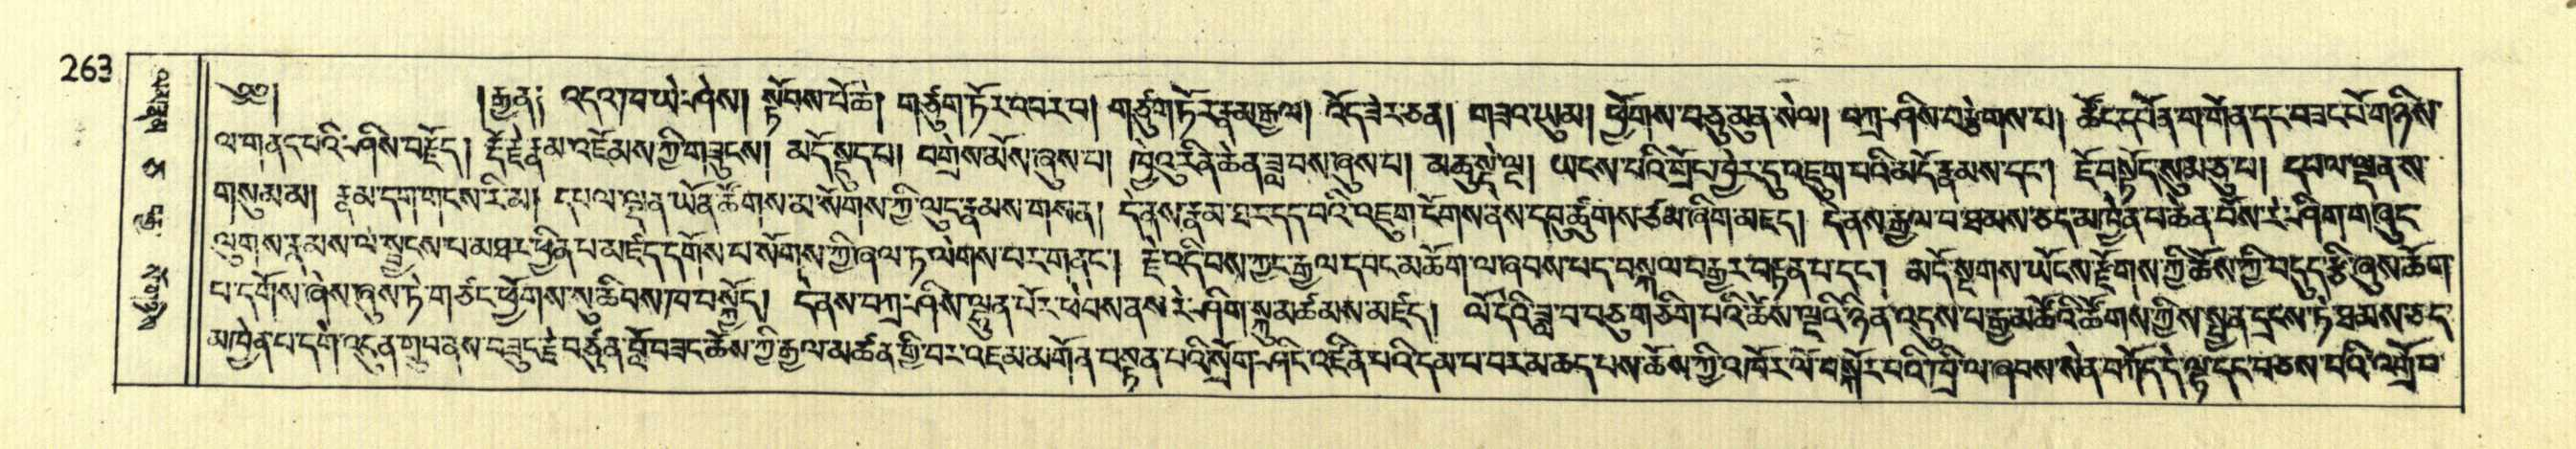༄༅། །རྒྱན༑ འདའ་ཁ་ཡེ་ཤེས། སྟོབས་པོ་ཆེ། གཙུག་ཏོར་འབར་བ། གཙུག་ཏོར་རྣམ་རྒྱལ། འོད་ཟེར་ཅན། གཟའ་ཡུམ། ཕྱོགས་བཅུ་མུན་སེལ། བཀྲ་ཤིས་བརྩེགས་པ། ཚོང་དཔོན་ག་གོན་དང་བཟང་པོ་གཉིས་
ལ་གནང་པའི་ཤིས་བརྗོད། རྡོ་རྗེ་རྣམ་འཇོམས་ཀྱི་གཟུངས། མདོ་སྡུད་པ། བགྲེས་མོས་ཞུས་པ། ཁྱེའུ་རིན་ཆེན་ཟླ་བས་ཞུས་པ། མཆུ་སྡེ་ལྔ། ཡངས་པའི་གྲོང་ཁྱེར་དུ་འཇུག་པའི་མདོ་རྣམས་དང་། ཇོ་བསྟོད་སུམ་ཅུ་པ། དཔལ་ལྡན་ས་
གསུམ་མ། རྣམ་དག་གངས་རི་མ། དཔལ་ལྡན་ཡོན་ཚོགས་མ་སོགས་ཀྱི་ལུང་རྣམས་གསན། དེ་ནས་རྣམ་ཐར་དད་པའི་འཇུག་ངོགས་ནས་དབུ་ཚུགས་ཙམ་ཞིག་མཇད། དེ་ནས་རྒྱལ་བ་ཐམས་ཅད་མཁྱེན་པ་ཆེན་བོས་རེ་ཤིག་གཞུང་
ལུགས་རྣམས་ལ་སྦྱངས་པ་མཐར་ཕྱིན་པ་མཛད་དགོས་པ་སོགས་ཀྱི་ཞལ་ཏ་ལེགས་པར་གནང་། རྗེ་འདི་བས་ཀྱང་རྒྱལ་དབང་མཆོག་ལ་ཞབས་པད་བསྐལ་བརྒྱར་བརྟན་པ་དང་། མདོ་སྔགས་ཡོངས་རྫོགས་ཀྱི་ཆོས་ཀྱི་བདུད་རྩི་ཞུས་ཆོག་
པ་དགོས་ཞེས་ཞུས་ཏེ་གཙང་ཕྱོགས་སུ་ཆིབས་ཁ་བསྐྱོད། དེ་ནས་བཀྲ་ཤིས་ལྷུན་པོར་ཕེབས་ནས་རེ་ཤིག་སྐུ་མཚམས་མཛད། ལོ་དེའི་ཟླ་བ་བཅུ་གཅིག་པའི་ཚེས་ལྔའི་ཉིན་འདུས་པ་རྒྱ་མཚོའི་ཚོགས་ཀྱིས་སྤྱན་དྲངས་ཏེ་ཐམས་ཅད་
མཁྱེན་པ་དགེ་འདུན་གྲུབ་ནས་བཟུང་རྗེ་བཙུན་བློ་བཟང་ཆོས་ཀྱི་རྒྱལ་མཚན་གྱི་བར་འཇམ་མགོན་བསྟན་པའི་སྲོག་ཤིང་འཛིན་པའི་དམ་པ་བར་མ་ཆད་པས་ཆོས་ཀྱི་འཁོར་ལོ་བསྐོར་པའི་ཁྲི་ལ་ཞབས་སེན་བཀོད་དེ་ལྷ་དང་བཅས་པའི་འགྲོ་བ་